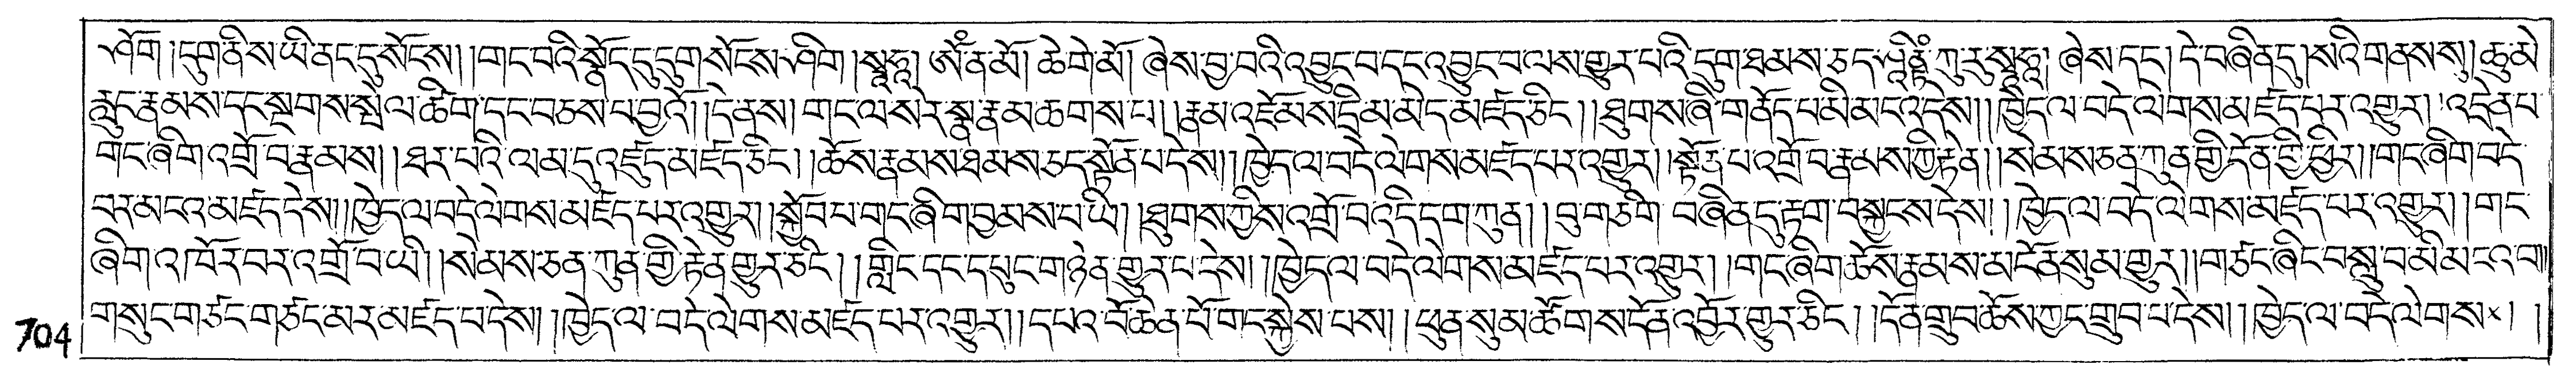ཤོག །དུག་ནི་ས་ཡི་ནང་དུ་སོངས། །གང་བའི་སྣོད་དུ་དུག་སོངས་ཤིག །སྭཱཧཱ། ཨོཾ་ན་མོ། ཆེ་གེ་མོ། ཞེས་བྱ་བའི་འབྱུང་བ་དང་འབྱུང་བ་ལས་གྱུར་པའི་དུག་ཐམས་ཅད་ཤཱིནྟཾ་ཀུ་རུ་སྭཱཧཱ། ཞེས་དང་། དེ་བཞིན་དུ། སའི་གནས་སུ། ཆུ་མེ་
རླུང་རྣམས་དང་སྔགས་སྤེལ་ཚིག་དང་བཅས་པ་བྱའོ། །དེ་ནས། གང་ལ་སེར་སྣ་རྣམ་ཆགས་པ། །རྣམ་འཇོམས་དྲི་མ་མེད་མཛད་ཅིང་། །ཐུགས་ཞི་གནོད་པ་མི་མངའ་དེས། །ཁྱེད་ལ་བདེ་ལེགས་མཛད་པར་འགྱུར། །འདྲེན་པ་
གང་ཞིག་འགྲོ་བ་རྣམས། །ཐར་པའི་ལམ་དུ་འཛུད་མཛད་ཅིང་། །ཆོས་རྣམས་ཐམས་ཅད་སྟོན་པ་དེས། །ཁྱེད་ལ་བདེ་ལེགས་མཛད་པར་འགྱུར། །སྟོན་པ་འགྲོ་བ་རྣམས་ཀྱི་རྟེན། །སེམས་ཅན་ཀུན་གྱི་དོན་གྱི་ཕྱིར། །གང་ཞིག་བདེ་
བར་མངའ་མཛད་དེས། །ཁྱེད་ལ་བདེ་ལེགས་མཛད་པར་འགྱུར། །སྐྱོབ་པ་གང་ཞིག་བྱམས་པ་ཡི། །ཐུགས་ཀྱིས་འགྲོ་བ་འདི་དག་ཀུན། །བུ་གཅིག་བཞིན་དུ་རྟག་བསྐྱངས་དེས། །ཁྱེད་ལ་བདེ་ལེགས་མཛད་པར་འགྱུར། །གང་
ཞིག་འཁོར་བར་འགྲོ་བ་ཡི། །སེམས་ཅན་ཀུན་གྱི་རྟེན་གྱུར་ཅིང་། །སླིང་དང་དཔུང་གཉེན་གྱུར་པ་དེས། །ཁྱེད་ལ་བདེ་ལེགས་མཛད་པར་འགྱུར། །གང་ཞིག་ཆོས་རྣམས་མངོན་སུམ་གྱུར། །གཙང་ཞིང་བསླུ་བ་མི་མངའ་བ།།
གསུང་གཙང་གཙང་མར་མཛད་པ་དེས། །ཁྱེད་ལ་བདེ་ལེགས་མཛད་པར་འགྱུར། །དཔའ་བོ་ཆེན་པོ་གང་སྐྱེས་པས། །ཕུན་སུམ་ཚོགས་དོན་འབྱོར་གྱུར་ཅིང་། །དོན་གྲུབ་ཆོས་ཀྱང་གྲུབ་པ་དེས། །ཁྱེད་ལ་བདེ་ལེགས་྾།